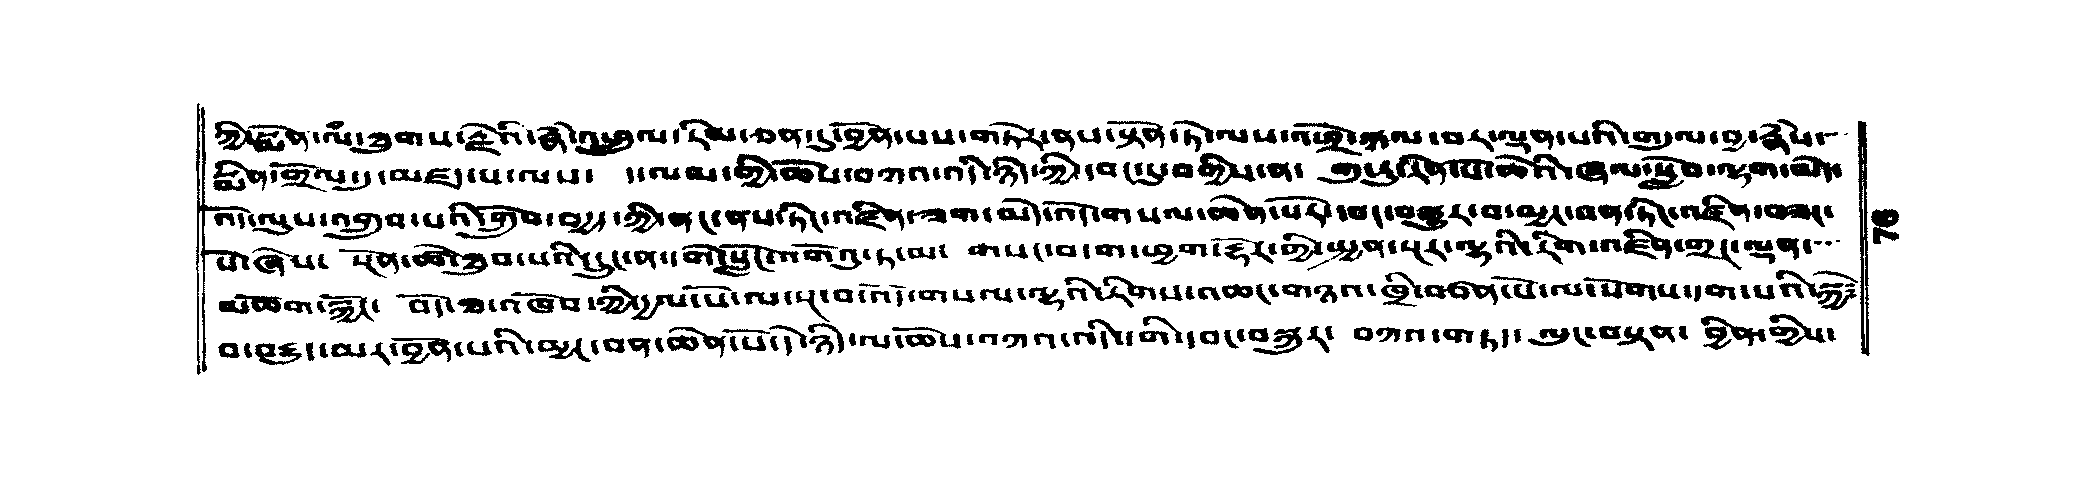ཀྱི་སྨོན་ལམ་ཐུགས་རྗེའི་རྣམ་འཕྲུལ་རིམ་ཅན་དུ་བྱོན་པས་གཏེར་ནས་སྟོན་ཏེ་ལས་འཕྲོ་སྐལ་བར་ལྡན་པའི་གདུལ་བྱ་རྣམས་
སྨིན་གྲོལ་དུ་མཛད་པ་ལས། ད་ལམ་གྱི་ཆོས་བཀའ་འདི་ཉིད་ཀྱི་དབང་དུ་བགྱིད་ན། གུ་རུ་རིན་པོ་ཆེའི་ཞལ་སློབ་ལྷག་མེད་
འོད་ལུས་འགྲུབ་པའི་གྲུབ་ཐོབ་བརྒྱད་ཀྱི་ནང་ནས་ཏིང་འཛིན་ཟག་མེད་འོད་གསལ་ཆེན་པོར་དབང་བསྒྱུར་བ་མྱང་བན་ཏིང་འཛིན་བཟང་
པོ་ཞེས། སྔོན་ཚེ་ཐུབ་པའི་དྲུང་ན་དགེ་སློང་གཽའུ་ཏ་མ་གསང་བདག་ཕྱག་རྡོར་གྱི་སྤྱན་སྔར་ལྷའི་སྔར་ལྷའི་རིག་འཛིན་གྲགས་ལྡན་
མཆོག་སྐྱོང་། བོད་ཐ་འཁོབ་ཀྱི་རྒྱལ་པོ་ལ་སྔ་བ་འོད་གསལ་ལྷའི་རིགས་འཆང་གཉའ་ཁྲི་བཙན་པོ་ལ་སོགས་དག་པའི་སྐྱོང་
བ་བརྒྱུད་མར་བྱོན་པའི་མྱང་བན་ཆེན་པོ་དེ་ཉིད་ལ་ཆོས་བཀའ་འདི་དག་གི་དབང་བསྒྱུར། བཀའ་གཏད། ལུང་བསྟན། བྱིན་གྱིས་